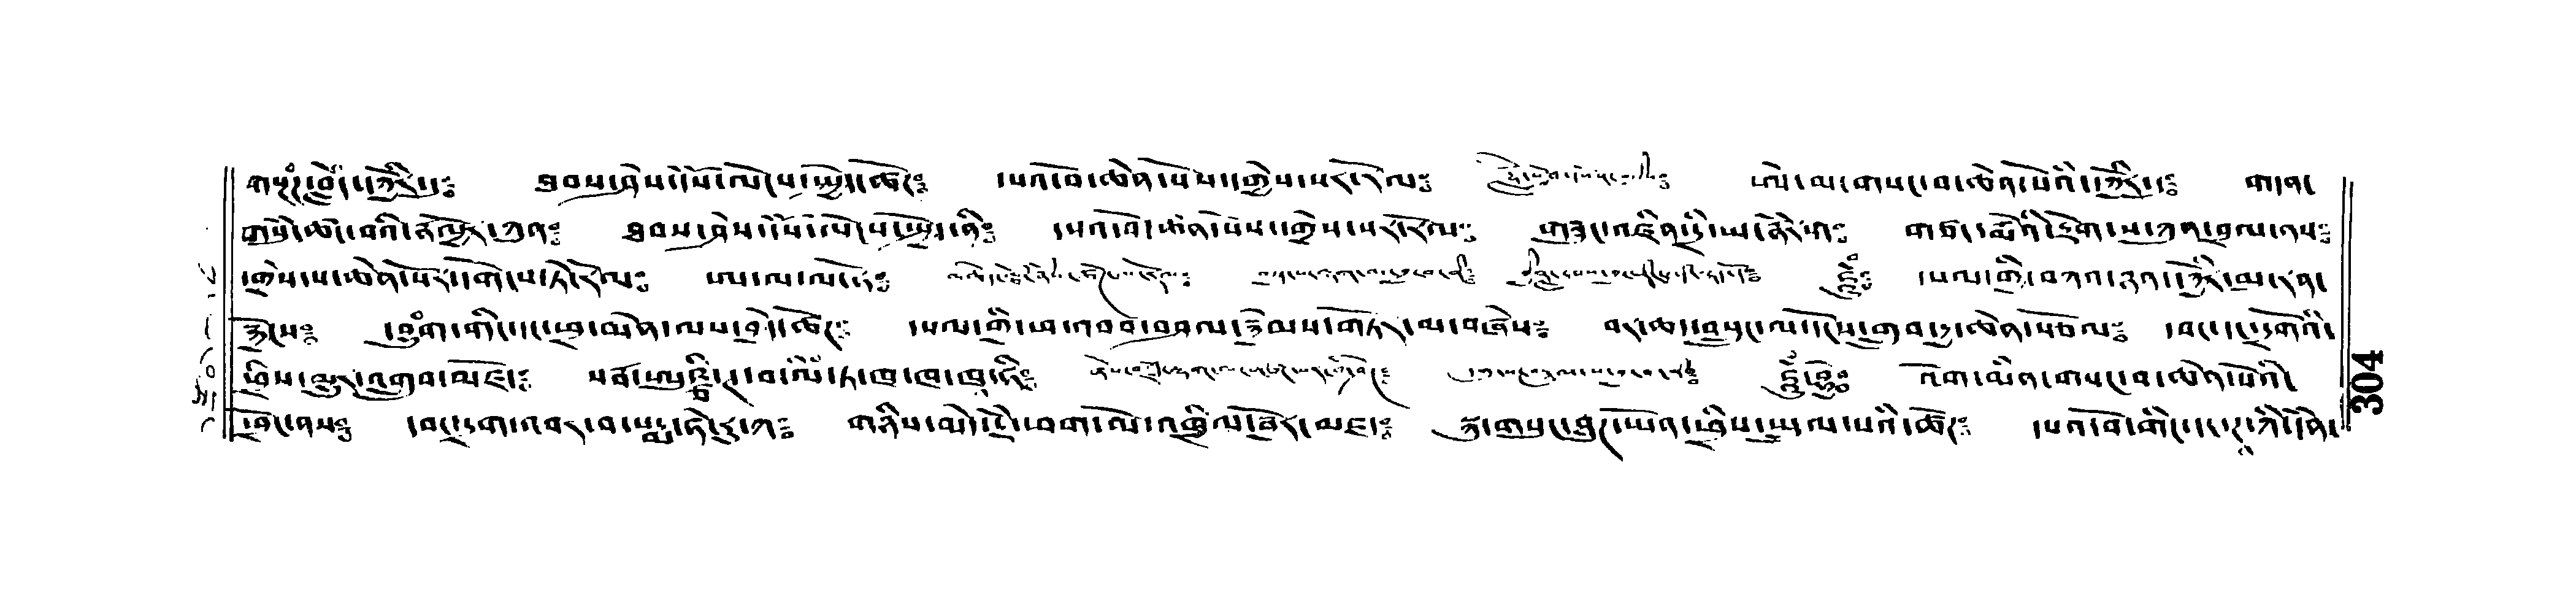གསང་སྔགས་བླ་མེད་དཀྱིལ་འཁོར་དུ༔ ཐབས་ཤེས་དམ་རྫས་ལོངས་སྤྱོད་ནི༔ དཔའ་བོ་ཆེན་པོས་དགྱེས་པར་རོལ༔ རྡོ་རྗེ་སློབ་དཔོན་གྱིས༔ ཨེ་མ༔གསང་བ་ཆེན་པོའི་དཀྱིལ་འཁོར་དུ༔ གདན་
གསུམ་ཚང་བའི་རྣལ་འབྱོར་ཀུན༔ ཐབས་ཤེས་དམ་རྫས་ལོངས་སྤྱོད་ནི༔ དཔའ་བོ་ཆེན་པོས་དགྱེས་པར་རོལ༔ གཟུང་འཛིན་དྲི་མ་རྣམ་པར་དག༔ གཙང་རྨེའི་རྟོག་པ་ཀུན་བྲལ་ནས༔ 
དགྱེས་པ་ཆེན་པོར་དགོངས་ཏེ་རོལ༔ ཨ་ལ་ལ་ཧོ༔ མཆེད་ལྕམ་རྣམས་ཚོགས་ལ་རོལ༔ བརྒྱད་པ་ལྷག་མ་བྱ་བ་ནི༔ བྱིན་རླབས་བྱ་ཞིང་འདི་སྐད་དོ༔ ཧཱུྃ༔ དཔལ་གྱི་བཀའ་ཉན་དཀྱིལ་འཁོར་མུ་རན་
སྐྱོངས༔ དབང་ཕྱུག་གིང་དང་ཕྲ་མེན་ལས་བྱེད་ཚོགས༔ དཔལ་གྱི་ཕ་འབབ་བཤལ་སྐྱེམས་གཏོར་མ་བཞེས༔ བར་ཆད་སྲུངས་ལ་དངོས་གྲུབ་རྒྱ་ཆེན་སྩོལ༔ དབང་དང་དྲག་པོའི་
ཕྲིན་ལས་མྱུར་འགྲུབ་མཛོད༔ སརྦ་ཨུཙྪིར་ཊ་བ་ལིཾ་ཏ་ཁ་ཁ་ཁཱ་ཧི༔ ཞེས་བརྗོད་ལྷག་མ་གཙང་སར་གཤེགས༔ དགུ་པ་བསྐུལ་པ་བྱ་བ་ནི༔ ཧཱུྃ་བྷྱོ༔ འོག་མིན་གསང་བ་ཆེན་པོའི་
ཕོ་བྲང་ནས༔ དབང་དྲག་འབར་བ་པདྨ་ཧེ་རུ་ཀ༔ གཉིས་མེད་རྡོ་རྗེ་ཕག་མོ་འཁྲིལ་སྦྱོར་མཛད༔ སྐུ་གསུང་ཐུགས་ཡོན་ཕྲིན་ལས་སྤྲུལ་པའི་ཚོགས༔ དཔའ་བོ་གིང་དང་ཌཱ་ཀི་དམ་ཅན་